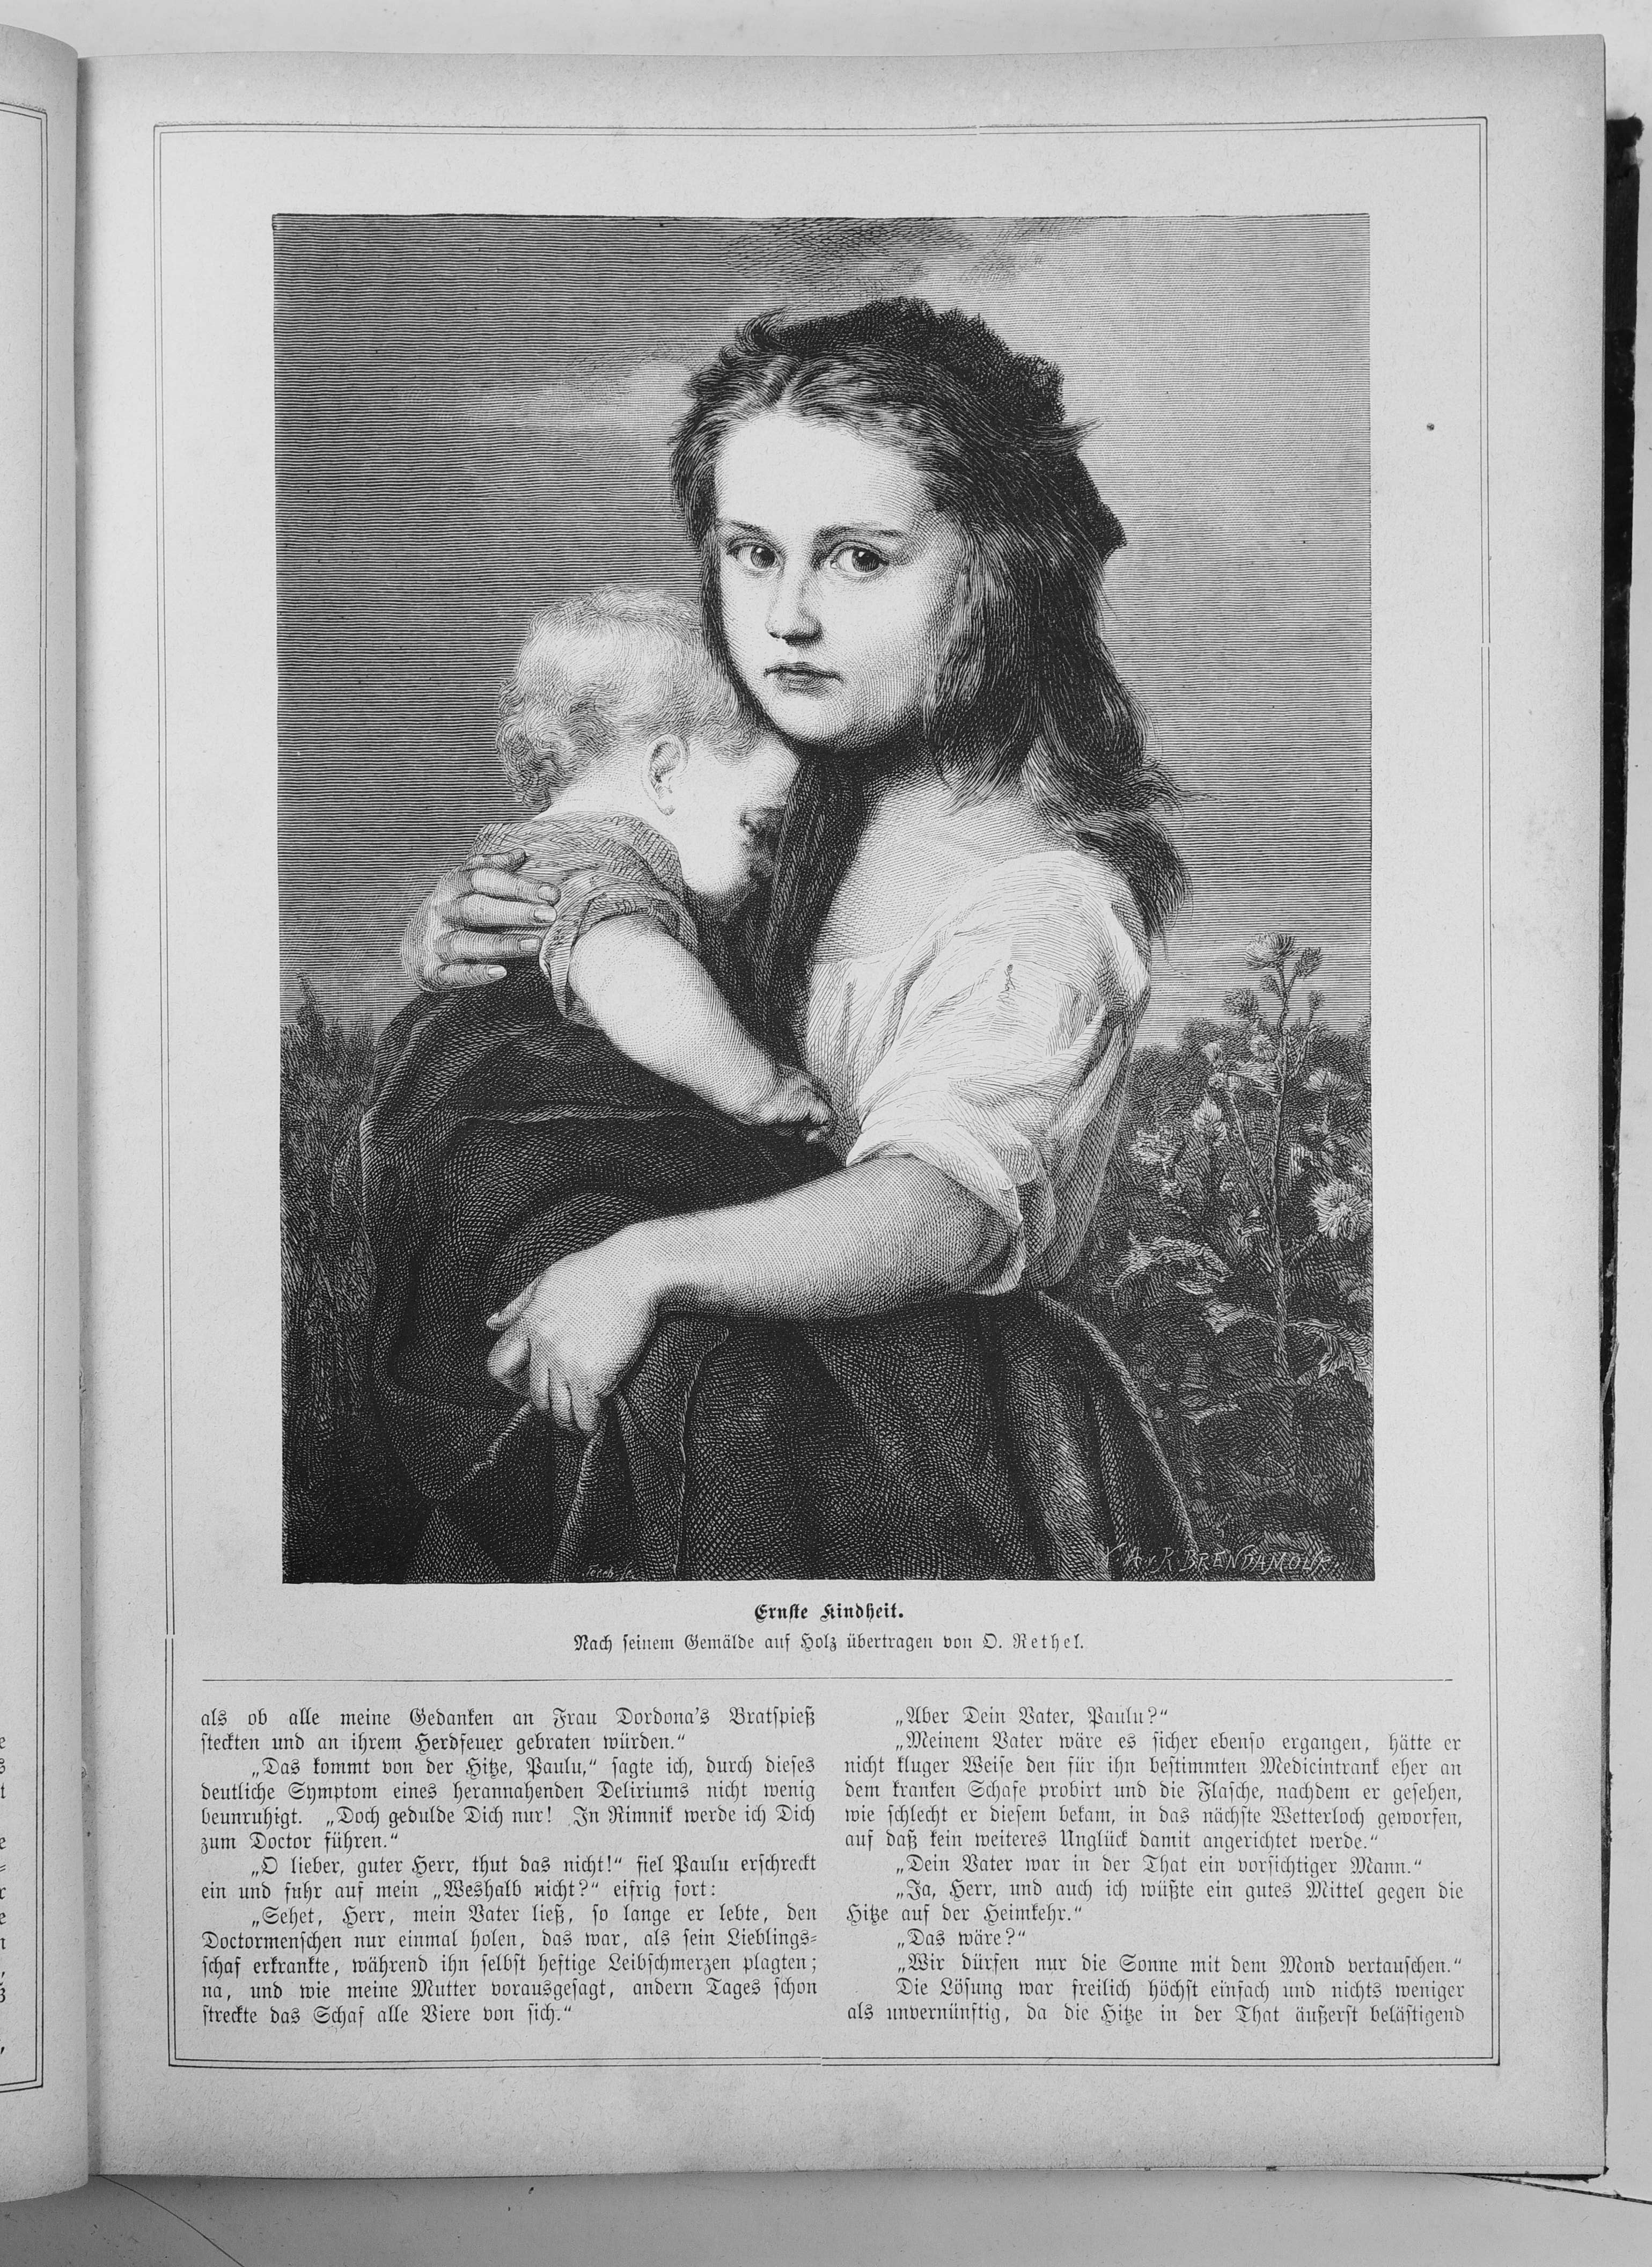Ernste Kindheit.
Nach seinem Gemälde auf Holz übertragen von O. Rethel.

als ob alle meine Gedanken an Frau Dordona’s Bratspieß steckten und an ihrem Herdfeuer gebraten würden.“

„Das kommt von der Hitze, Paulu,“ sagte ich, durch dieses deutliche Symptom eines herannahenden Deliriums nicht wenig beunruhigt. „Doch gedulde Dich nur! In Rimnik werde ich Dich zum Doctor führen.“

„O lieber, guter Herr, thut das nicht!“ fiel Paulu erschreckt ein und fuhr auf mein „Weshalb nicht?“ eifrig fort:

„Sehet, Herr, mein Vater ließ, so lange er lebte, den Doctormenschen nur einmal holen, das war, als sein Lieblingsschaf erkrankte, während ihn selbst heftige Leibschmerzen plagten; na, und wie meine Mutter vorausgesagt, andern Tages schon streckte das Schaf alle Viere von sich.“

„Aber Dein Vater, Paulu?“

„Meinem Vater wäre es sicher ebenso ergangen, hätte er nicht kluger Weise den für ihn bestimmten Medicintrank eher an dem kranken Schafe probirt und die Flasche, nachdem er gesehen, wie schlecht er diesem bekam, in das nächste Wetterloch geworfen, auf daß kein weiteres Unglück damit angerichtet werde.“

„Dein Vater war in der That ein vorsichtiger Mann.“

„Ja, Herr, und auch ich wüßte ein gutes Mittel gegen die Hitze auf der Heimkehr.“

„Das wäre?“

„Wir dürfen nur die Sonne mit dem Mond vertauschen.“

Die Lösung war freilich höchst einfach und nichts weniger als unvernünftig, da die Hitze in der That äußerst belästigend
